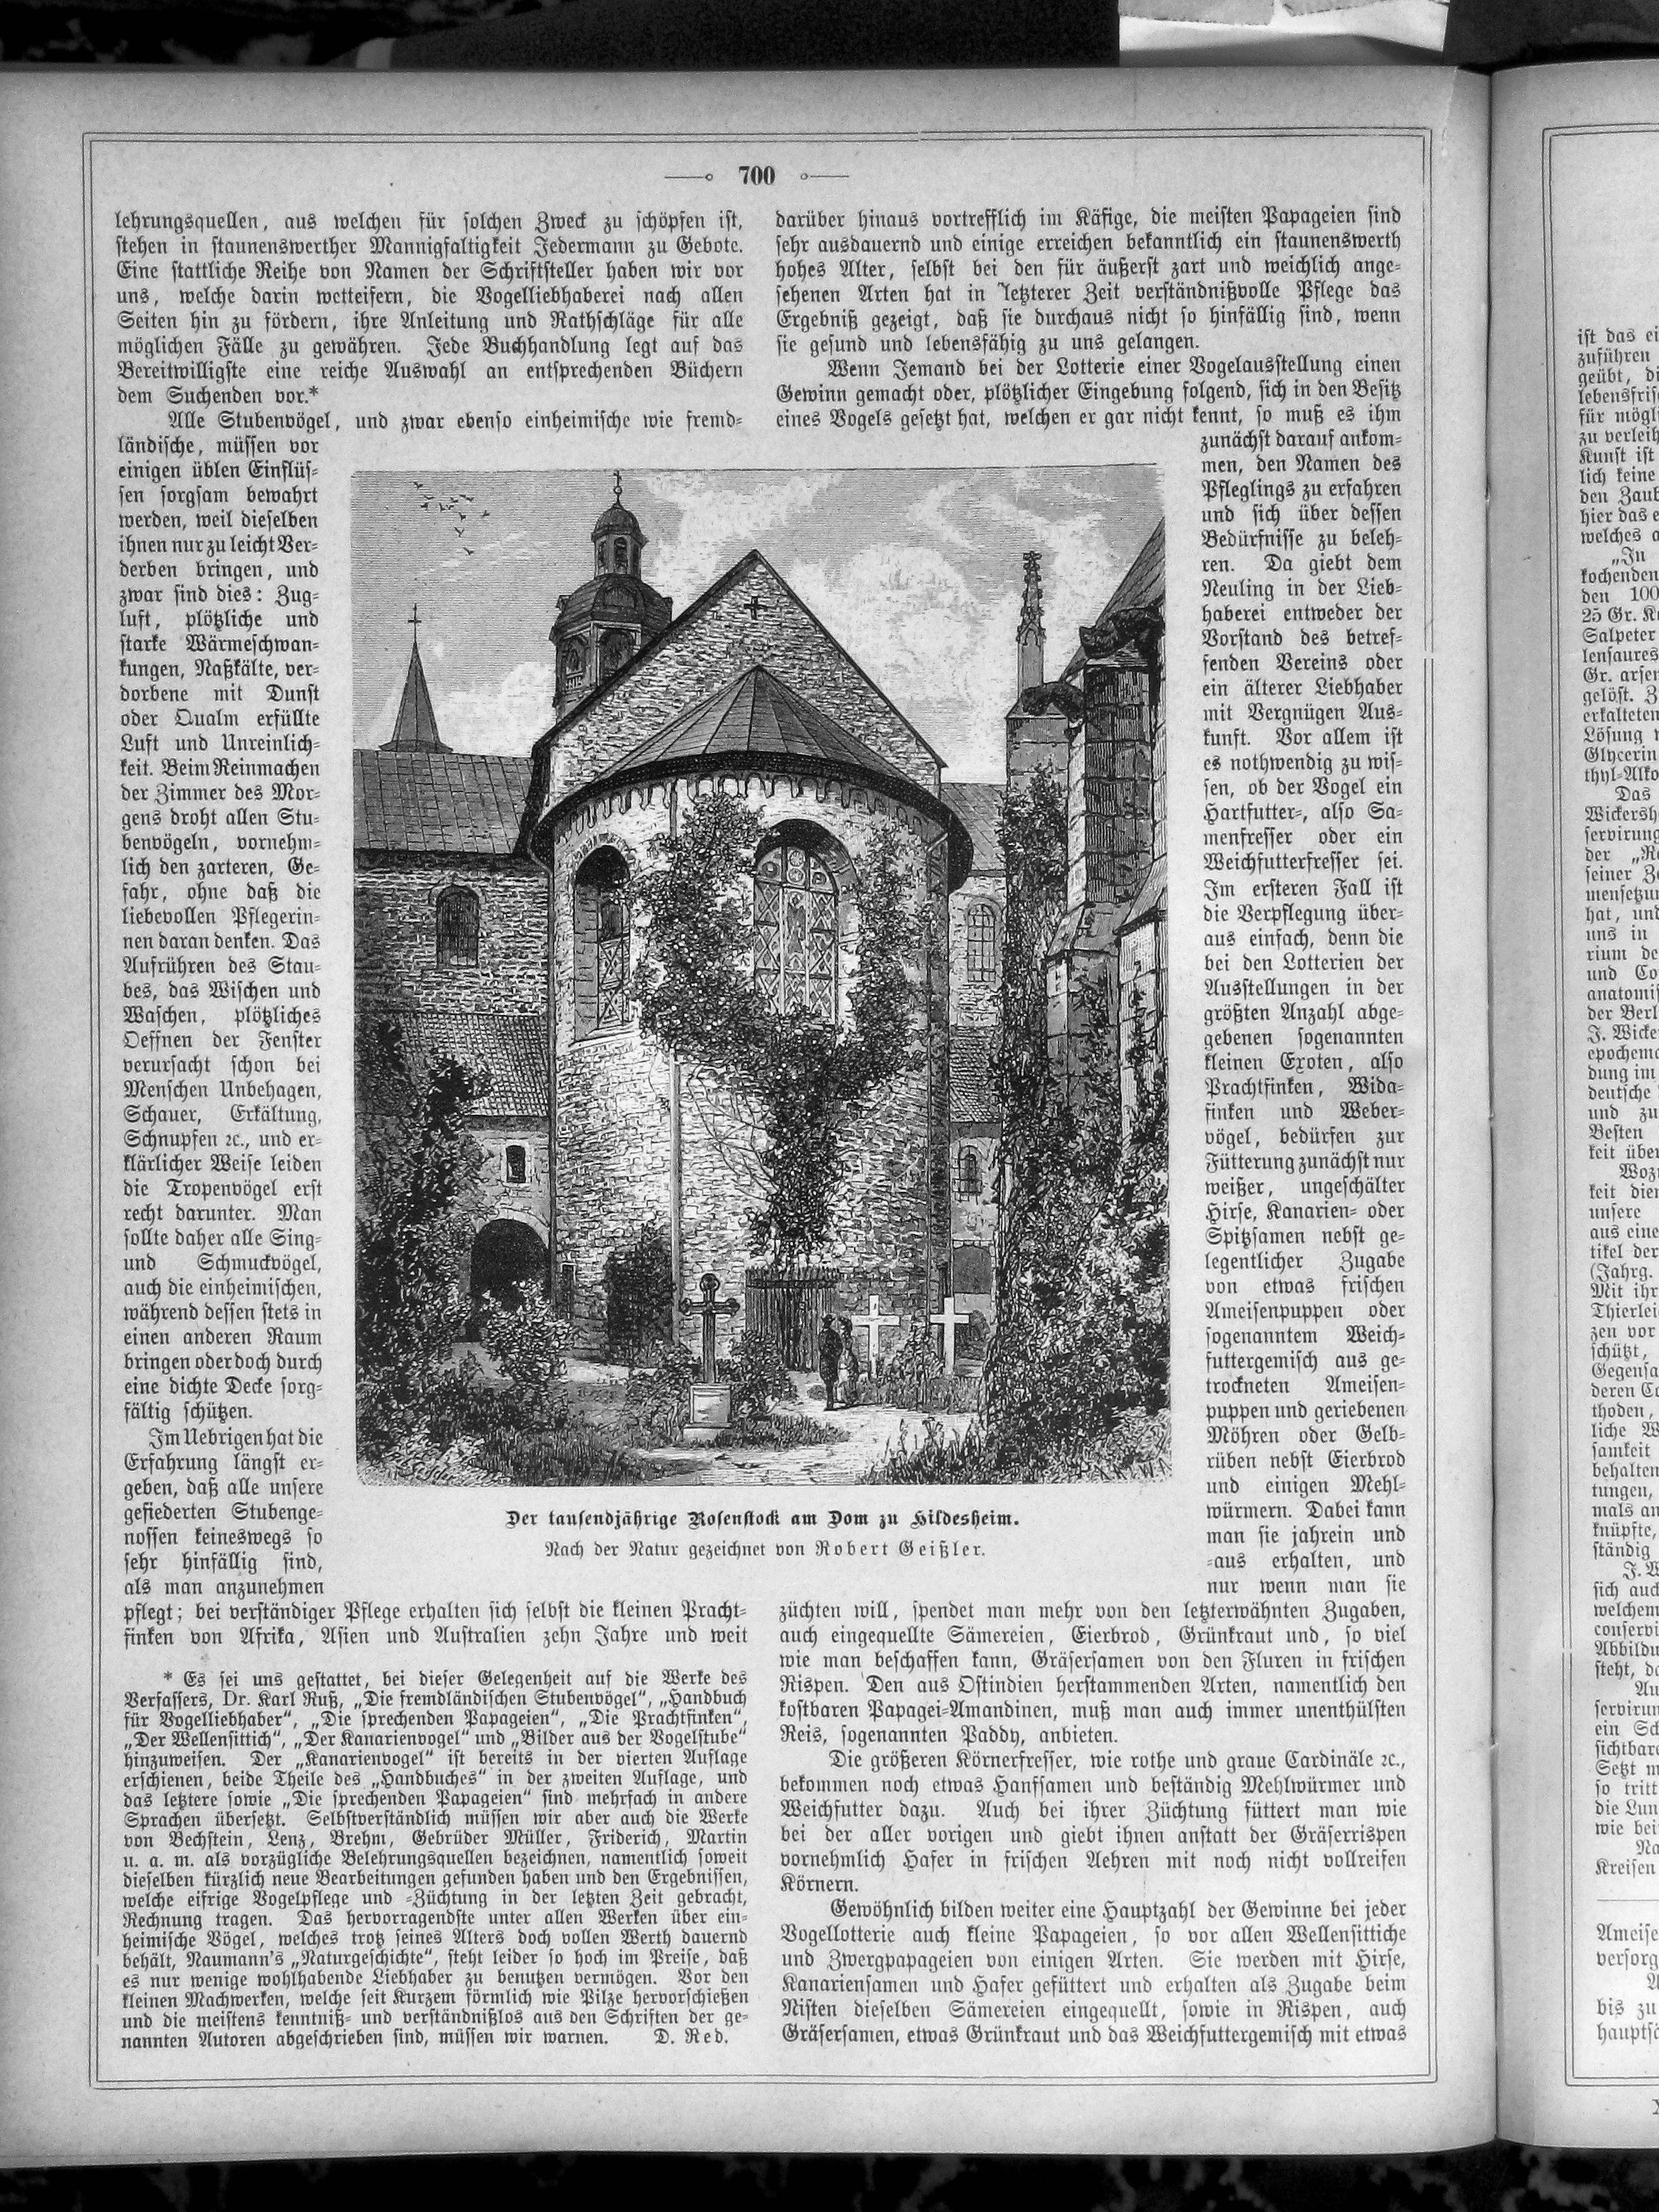aus welchen für solchen Zweck zu schöpfen ist, stehen in staunenswerter Mannigfaltigkeit Jedermann zu Gebote. Eine stattliche Reihe von Namen der Schriftsteller haben wir vor uns, welche darin wetteifern, die Vogelliebhaberei nach allen Seiten hin zu fördern, ihre Anleitung und Rathschläge für alle möglichen Fälle zu gewähren. Jede Buchhandlung legt auf das Bereitwilligste eine reiche Auswahl an entsprechenden Büchern dem Suchenden vor.

Alle Stubenvögel, und zwar ebenso einheimische wie fremdländische, müssen vor einigen üblen Einflüssen sorgsam bewahrt werden, weil dieselben ihnen nur zu leicht Verderben bringen, und zwar sind dies: Zugluft, plötzliche und starke Wärmeschwankungen, Naßkälte, verdorbene mit Dunst oder Qualm erfüllte Luft und Unreinlichkeit. Beim Reinmachen der Zimmer des Morgens droht allen Stubenvögeln, vornehmlich den zarteren, Gefahr, ohne daß die liebevollen Pflegerinnen daran denken. Das Aufrühren des Staubes, das Wischen und Waschen, plötzliches Oeffnen der Fenster verursacht schon bei Menschen Unbehagen, Schauer, Erkältung, Schnupfen etc., und erklärlicher Weise leiden die Tropenvögel erst recht darunter. Man sollte daher alle Sing- und Schmuckvögel, auch die einheimischen, während dessen stets in einen anderen Raum bringen oder doch durch eine dichte Decke sorgfältig schützen.

Im Uebrigen hat die Erfahrung längst ergeben, daß alle unsere gefiederten Stubengenossen keineswegs so sehr hinfällig sind, als man anzunehmen pflegt; bei verständiger Pflege erhalten sich selbst die kleinen Prachtfinken von Afrika, Asien und Australien zehn Jahre und weit darüber hinans vortrefflich im Käsige, die meisten Papageien sind sehr ausdauernd und einige erreichen bekanntlich ein staunenswert hohes Alter, selbst bei den für äußerst zart und weichlich angesehenen Arten hat in letzterer Zeit verständnißvolle Pflege das Ergebniß gezeigt, daß sie durchaus nicht so hinfällig sind, wenn sie gesund und lebensfähig zu uns gelangen.

Wenn Jemand bei der Lotterie einer Vogelausstellung einen Gewinn gemacht oder, plötzlicher Eingebung folgend, sich in den Besitz eines Vogels gesetzt hat, welchen er gar nicht kennt, so muß es ihm zunächst darauf ankommen, den Namen des Pfleglings zu erfahren und sich über dessen Bedürsnisse zu belehren. Da giebt dem Neuling in der Liebhaberei entweder der Vorstand des betreffenden Vereins oder ein älterer Liebhaber mit Vergnügen Auskunft. Vor allem ist es nothwendig zu wissen, ob der Vogel ein Hartfutter-, also Samenfresser oder ein Weichfutterfresser sei. Im ersteren Fall ist die Verpflegung überaus einfach, denn die bei den Lotterien der Ausstellungen in der größten Anzahl abgegebenen sogenannten kleinen Eroten, also Prachtfinken, Widafinken und Webervögel, bedürfen zur Fütterung zunächst nur weißer, ungeschälter Hirse, Kanarien- oder Spitzsamen nebst gelegentlicher Zugabe von etwas frischen Ameisenpuppen oder sogenanntem Weichfuttergemisch aus getrockneten Ameisenpuppen und geriebenen Möhren oder Gelbrüben nebst Eierbrod und einigen Mehlwürmern. Dabei kann man sie jahrein und -aus erhalten, und nur wenn man sie züchten will, spendet man mehr von den letzterwähnten Zugaben, auch eingequellte Sämereien, Eierbrad, Grünkraut und, so viel wie man beschaffen kann, Gräsersamen von den Fluren in frischen Rispen. Den aus Ostindien herstammenden Arten, namentlich den kostbaren Papagei-Amandinen, muß man auch immer unenthülsten Reis, sogenannten Paddy, anbieten.

Die größeren Körnerfresser, wie rothe und graue Cardinäle etc., bekommen noch etwas Hanfsamen und beständig Mehlwürmer und Weichfutter dazu. Auch bei ihrer Züchtung füttert man wie bei der aller vorigen und giebt ihnen anstatt der Gräserrispen vornehmlich Hafer in frischen Aehren mit noch nicht vollreifen Körnern.

Gewöhnlich bilden weiter eine Hauptzahl der Gewinne bei jeder Vagellotterie auch kleine Papageien, so vor allen Wellensittiche und Zwergpapageien von einigen Arten. Sie werden mit Hirse, Kanariensamen und Hafer gefüttert und erhalten als Zugabe beim Nisten dieselben Sämereien eingeguellt, sowie in Rispen, auch Gräsersamen, etwas Grünkraut und das Weichfuttergemisch mit etwas

Der tausendjährige Rosenstock am Dom zu Hildesheim.
Nach der Natur gezeichnet von Robert Geißler.
Es sei uns gestattet, bei dieser Gelegenheit auf die Werke des Verfassers, Dr. Karl Ruß, „Die fremdländischen Stubenvögel“, „Handbuch für Vogelliebhaber“, „Die sprechenden Papageien“, „Die Prachtfinken“, „Der Wellensittich“, „Der Kanarienvogel“ und „Bider aus der Vogelstube“ hinzuweisen. Der „Kanarienvogel“ ist bereits in der vierten Auflage erschienen, beide Theile des „Handbuches“ in der zweiten Auflage, und das letztere sowie „Die sprechenden Papageien“ sind mehrfach in andere Sprachen übersetzt. Selbstverständlich müssen wir aber auch die Werke von Bechstein, Lenz, Brehm, Gebrüder Müller, Friderich, Martin u. a. m. als vorzügliche Belehrungsquellen bezeichnen, namentlich soweit dieselben kürzlich neue Bearbeitungen gefunden haben und den Ergebnissen, welche eifrige Vogelpflege und -Züchtung in der letzten Zeit gebracht, Rechnung tragen. Das hervorragendste unter allen Werken über einheimische Vögel, welches trotz seines Alters doch vollen Werth dauernd behält, Naumann´s „Naturgeschichte“, steht leider so hoch im Preise, daß es nur wenige wohlhabende Liebhaber zu benutzen vermögen. Vor den kleinen Machwerken, welche seit Kurzem förmlich wie Pilze hervorschießen und die meistens kenntniß- und verständnislos aus den Schriften der genannten Autoren abgeschrieben sind, müssen wir warnen. D. Red.
